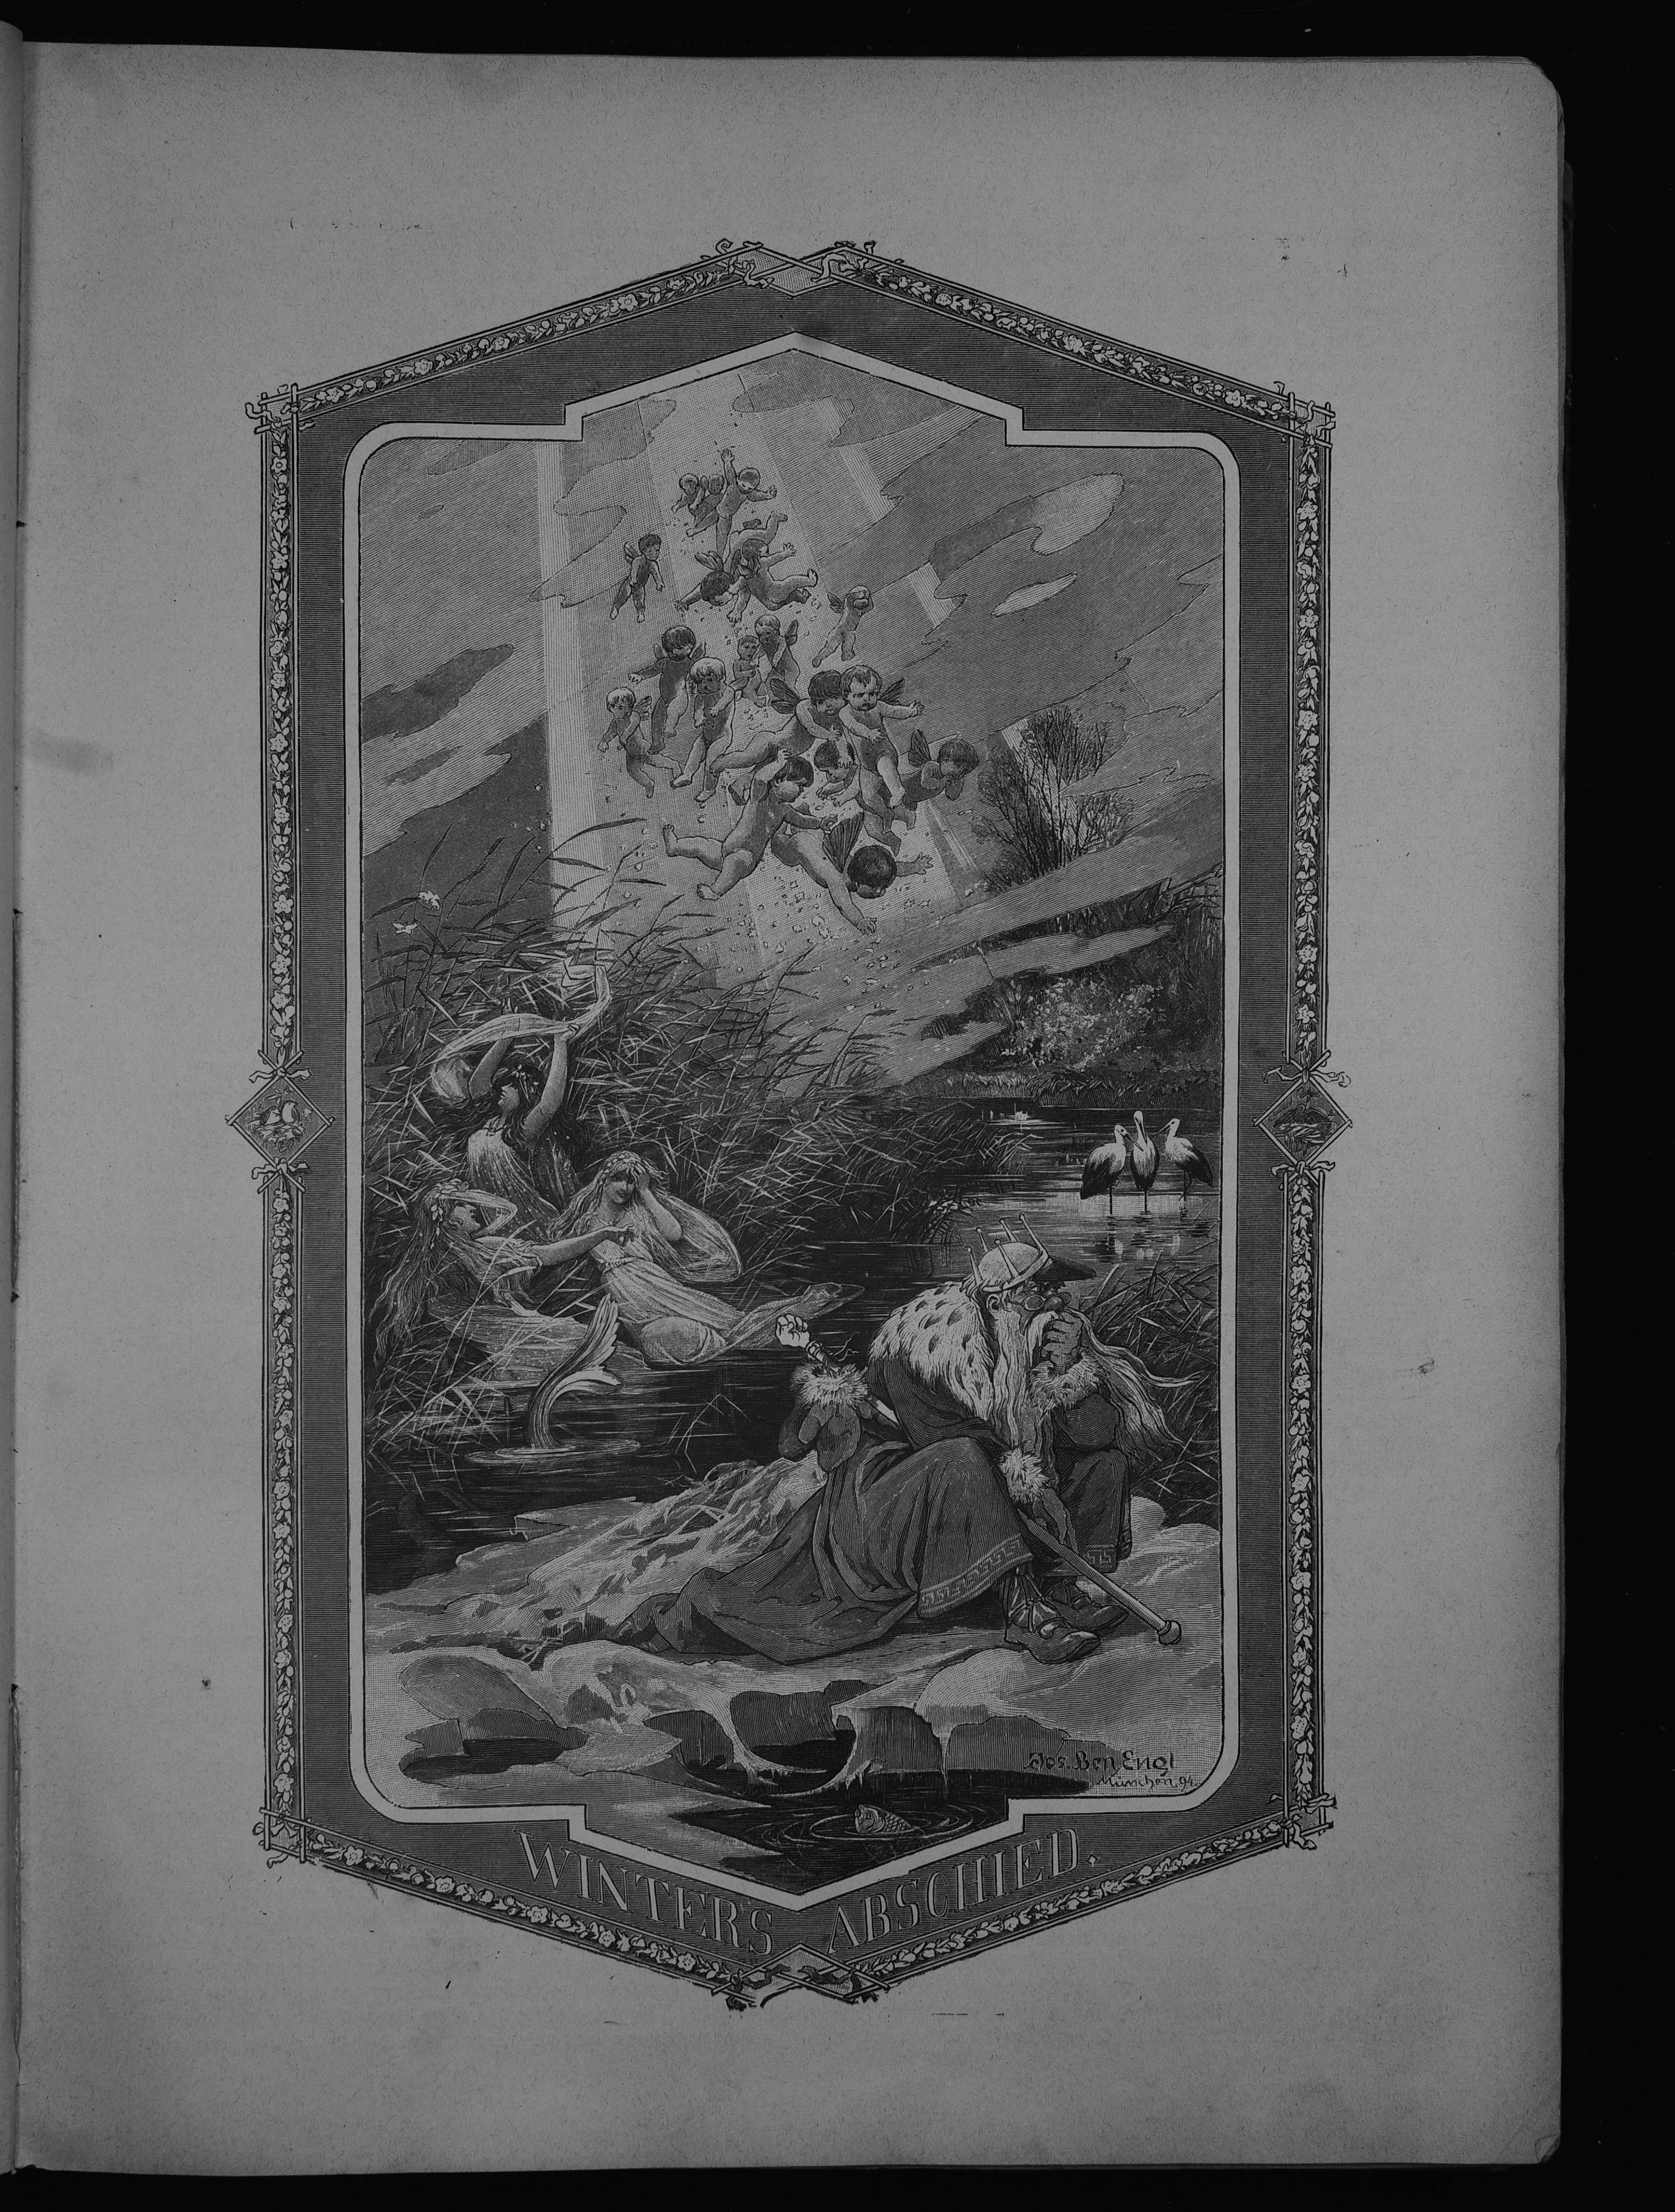Winters Abschied.
